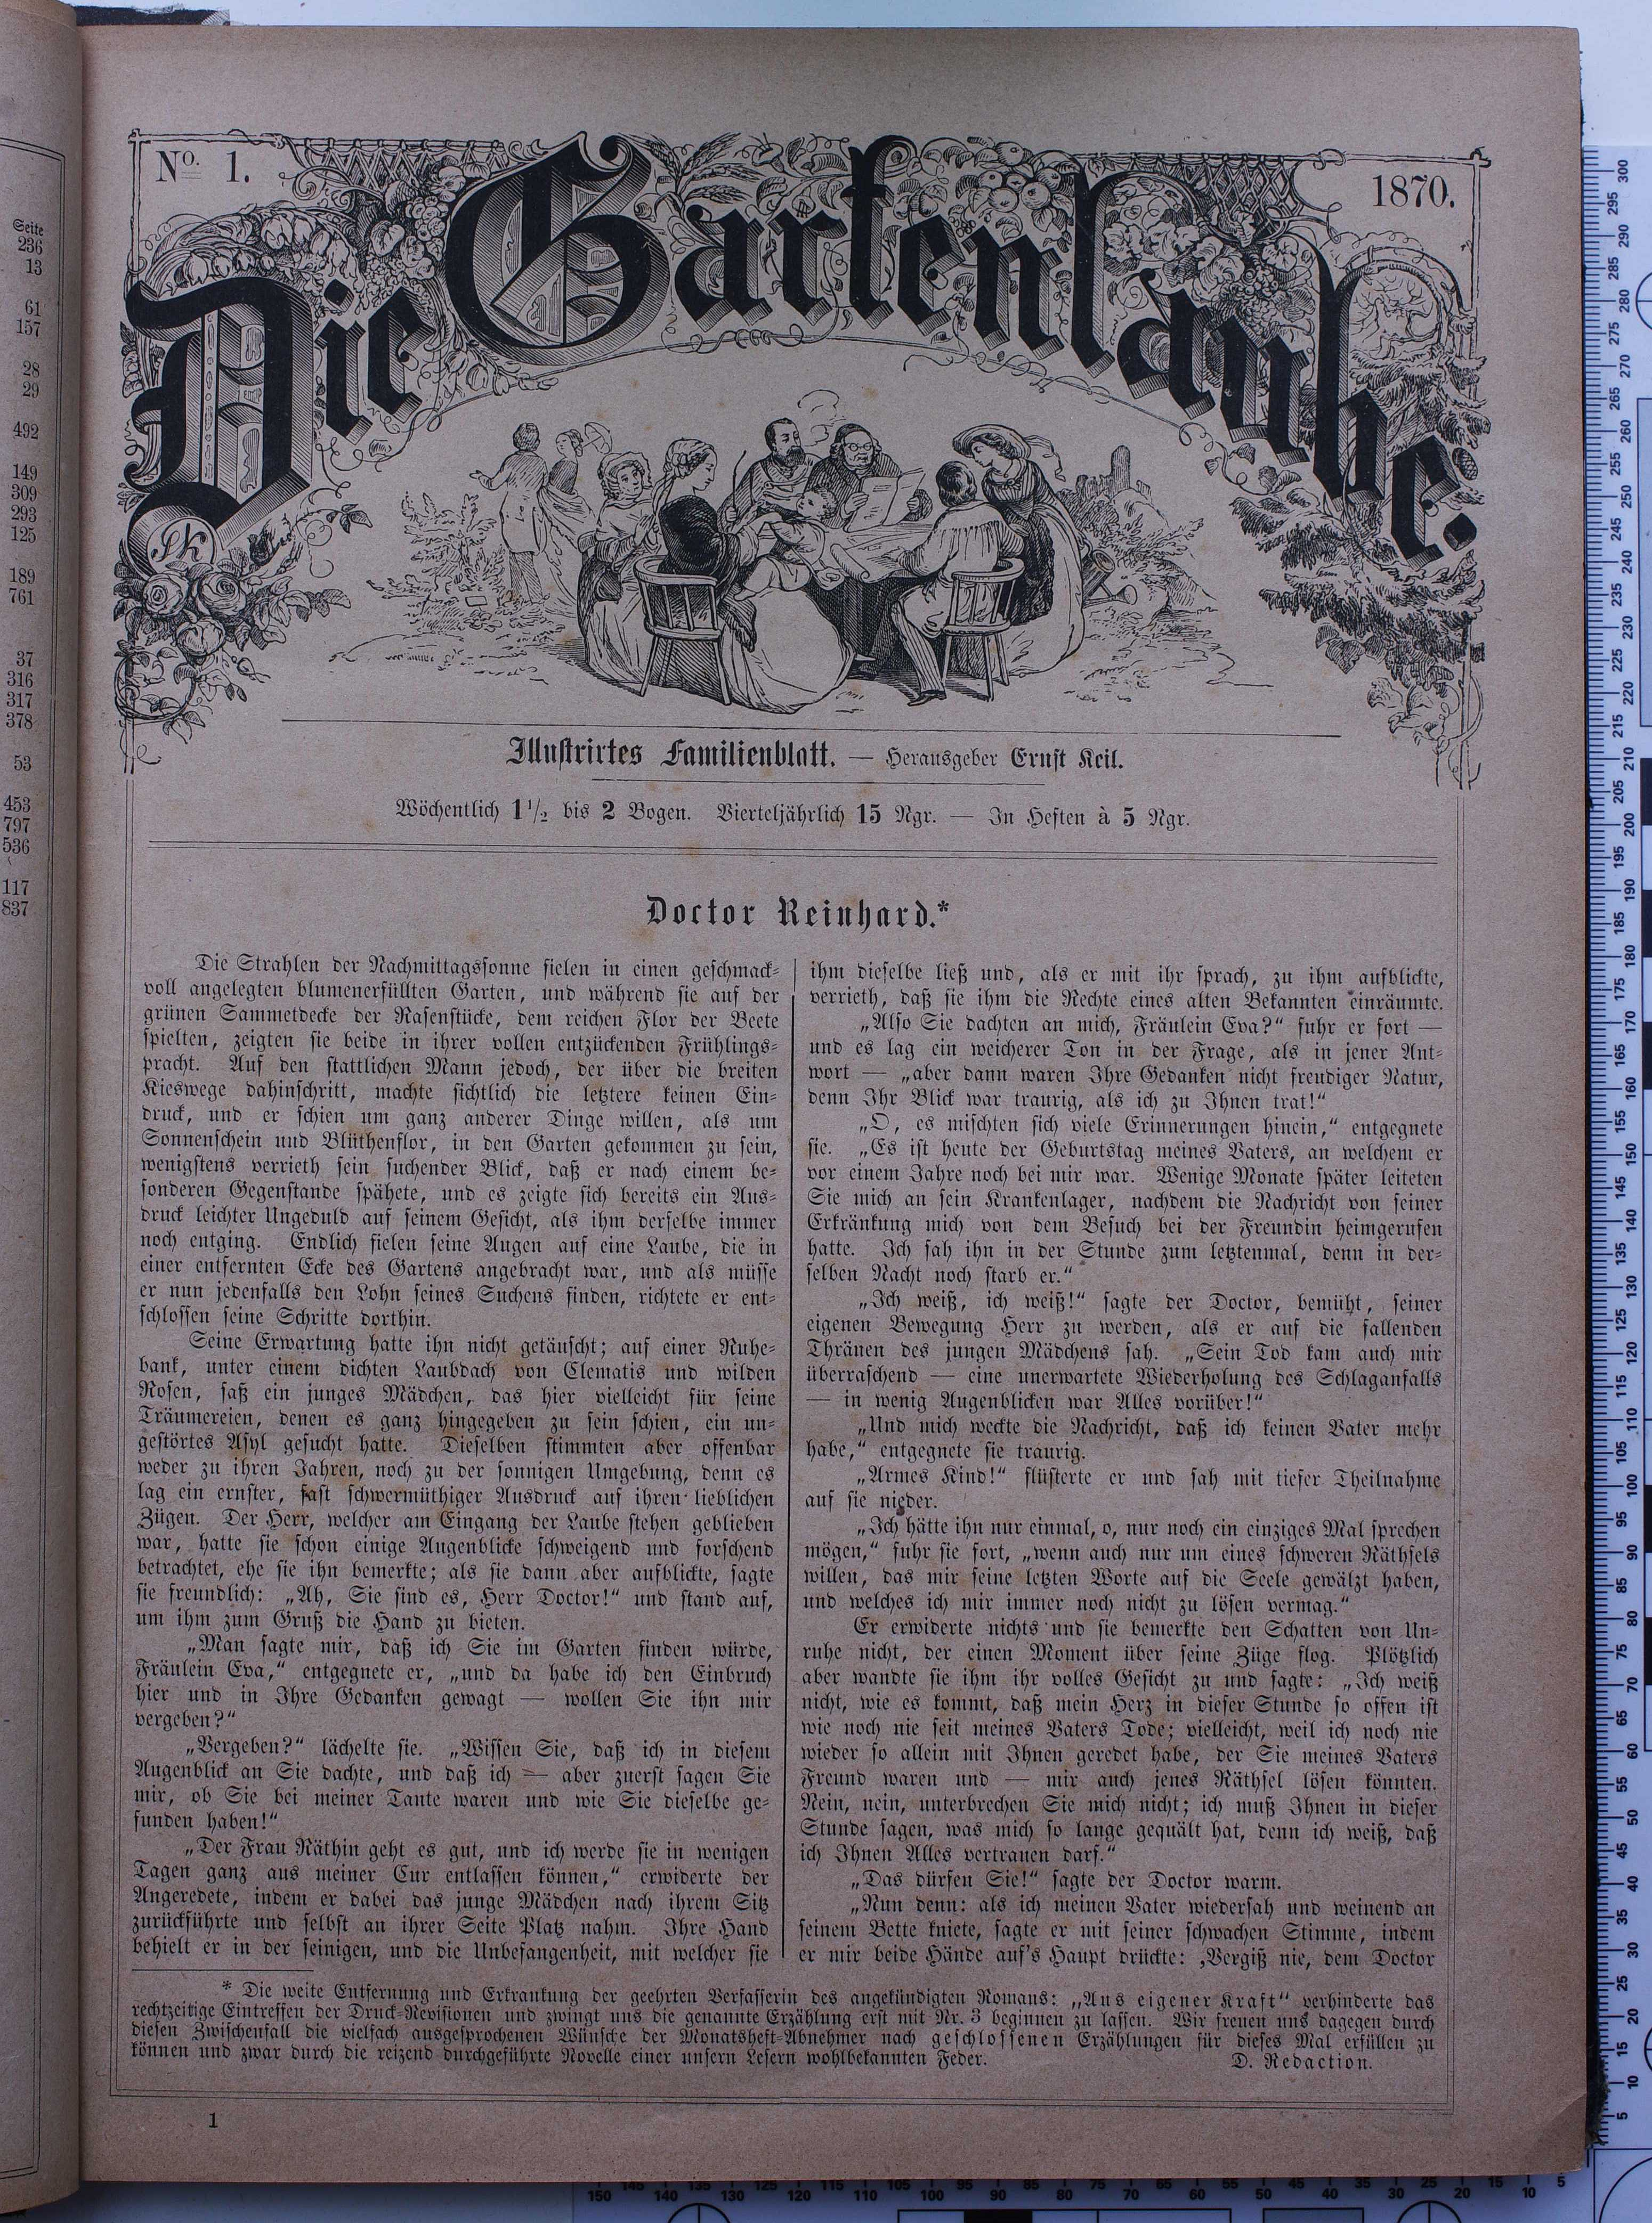No. 1. 1870.
Die Gartenlaube.

Illustrirtes Familienblatt. – Herausgeber Ernst Keil.

Wöchentlich 1½ bis 2 Bogen. Vierteljährlich 15 Ngr. – In Heften à 5 Ngr.

Doctor Reinhard.

Die Strahlen der Nachmittagssonne fielen in einen geschmackvoll angelegten blumenerfüllten Garten, und während sie auf der grünen Sammetdecke der Rasenstücke, dem reichen Flor der Beete spielten, zeigten sie beide in ihrer vollen entzückenden Frühlingspracht. Auf den stattlichen Mann jedoch, der über die breiten Kieswege dahinschritt, machte sichtlich die letztere keinen Eindruck, und er schien um ganz anderer Dinge willen, als um Sonnenschein und Blüthenflor, in den Garten gekommen zu sein, wenigstens verrieth sein suchender Blick, daß er nach einem besonderen Gegenstande spähete, und es zeigte sich bereits ein Ausdruck leichter Ungeduld auf seinem Gesicht, als ihm derselbe immer noch entging. Endlich fielen seine Augen auf eine Laube, die in einer entfernten Ecke des Gartens angebracht war, und als müsse er nun jedenfalls den Lohn seines Suchens finden, richtete er entschlossen seine Schritte dorthin.

Seine Erwartung hatte ihn nicht getäuscht; auf einer Ruhebank, unter einem dichten Laubdach von Clematis und wilden Rosen, saß ein junges Mädchen, das hier vielleicht für seine Träumereien, denen es ganz hingegeben zu sein schien, ein ungestörtes Asyl gesucht hatte. Dieselben stimmten aber offenbar weder zu ihren Jahren, noch zu der sonnigen Umgebung, denn es lag ein ernster, fast schwermüthiger Ausdruck auf ihren lieblichen Zügen. Der Herr, welcher an der Laube stehen geblieben war, hatte sie schon einige Augenblicke schweigend und forschend betrachtet, ehe sie ihn bemerkte; als sie dann aber aufblickte, sagte sie freundlich: „Ah, Sie sind es, Herr Doctor!“ und stand auf, um ihm zum Gruß die Hand zu bieten.

„Man sagte mir, daß ich Sie im Garten finden würde, Fräulein Eva,“ entgegnete er, „und da habe ich den Einbruch hier und in Ihre Gedanken gewagt – wollen Sie ihn mir vergeben?“

„Vergeben?“ lächelte sie. „Wissen Sie, daß ich in diesem Augenblick an Sie dachte, und daß ich – aber zuerst sagen Sie mir, ob Sie bei meiner Tante waren und wie Sie dieselbe gefunden haben!“

„Der Frau Räthin geht es gut, und ich werde sie in wenigen Tagen ganz aus meiner Cur entlassen können,“ erwiderte der Angeredete, indem er dabei das junge Mädchen nach ihrem Sitz zurückführte und selbst an ihrer Seite Platz nahm. Ihre Hand behielt er in der seinigen, und die Unbefangenheit, mit welcher sie ihm dieselbe ließ und, als er mit ihr sprach, zu ihm aufblickte, verrieth, daß sie ihm die Rechte eines alten Bekannten einräumte.

„Also Sie dachten an mich, Fräulein Eva?“ fuhr er fort – und es lag ein weicherer Ton in der Frage, als in jener Antwort – „aber dann waren Ihre Gedanken nicht freudiger Natur, denn Ihr Blick war traurig, als ich zu Ihnen trat!“

„O, es mischten sich viele Erinnerungen hinein,“ entgegnete sie. „Es ist heute der Geburtstag meines Vaters, an welchem er vor einem Jahre noch bei mir war. Wenige Monate später leiteten Sie mich an sein Krankenlager, nachdem die Nachricht von seiner Erkrankung mich von dem Besuch bei der Freundin heimgerufen hatte. Ich sah ihn in der Stunde zum letztenmal, denn in derselben Nacht noch starb er.“

„Ich weiß, ich weiß!“ sagte der Doctor, bemüht, seiner eigenen Bewegung Herr zu werden, als er auf die fallenden Thränen des jungen Mädchens sah. „Sein Tod kam auch mir überraschend – eine unerwartete Wiederholung des Schlaganfalls – in wenig Augenblicken war Alles vorüber!“

„Und mich weckte die Nachricht, daß ich keinen Vater mehr habe,“ entgegnete sie traurig.

„Armes Kind!“ flüsterte er und sah mit tiefer Theilnahme auf sie nieder.

„Ich hätte ihn nur einmal, o, nur noch ein einziges Mal sprechen mögen,“ fuhr sie fort. „wenn auch nur um eines schweren Räthsels willen, das mir seine letzten Worte auf die Seele gewälzt haben, und welches ich mir immer noch nicht zu lösen vermag.“

Er erwiderte nichts und sie bemerkte den Schatten von Unruhe nicht, der einen Moment über seine Züge flog. Plötzlich aber wandte sie ihm ihr volles Gesicht zu und sagte „Ich weiß nicht, wie es kommt, daß mein Herz in dieser Stunde so offen ist wie noch nie seit meines Vaters Tode; vielleicht, weil ich noch nie wieder so allein mit Ihnen geredet habe, der Sie meines Vaters Freund waren und – mir auch jenes Räthsel lösen könnten. Nein, nein, unterbrechen Sie mich nicht; ich muß Ihnen in dieser Stunde sagen, was mich so lange gequält hat, denn ich weiß, daß ich Ihnen Alles vertrauen darf.“

„Das dürfen Sie!“ sagte der Doctor warm.

„Nun denn: als ich meinen Vater wiedersah und weinend an seinem Bette kniete, sagte er mit seiner schwachen Stimme, indem er mir beide Hände aufs Haupt drückte: ‚Vergiß nie, dem Doctor
Die weite Entfernung und Erkrankung der geehrten Verfasserin des angekündigten Romans: „Aus eigener Kraft“ verhinderte das rechtzeitige Eintreffen der Druck-Revisionen und zwingt uns die genannte Erzählung erst mit Nr. 3 beginnen zu lassen. Wir freuen uns dagegen durch diesen Zwischenfall die vielfach ausgesprochenen Wünsche der Monatsheft-Abnehmer nach geschlossenen Erzählungen für dieses Mal erfüllen zu können und zwar durch die reizend durchgeführte Novelle einer unsern Lesern wohlbekannten Feder. D. Redaction.
